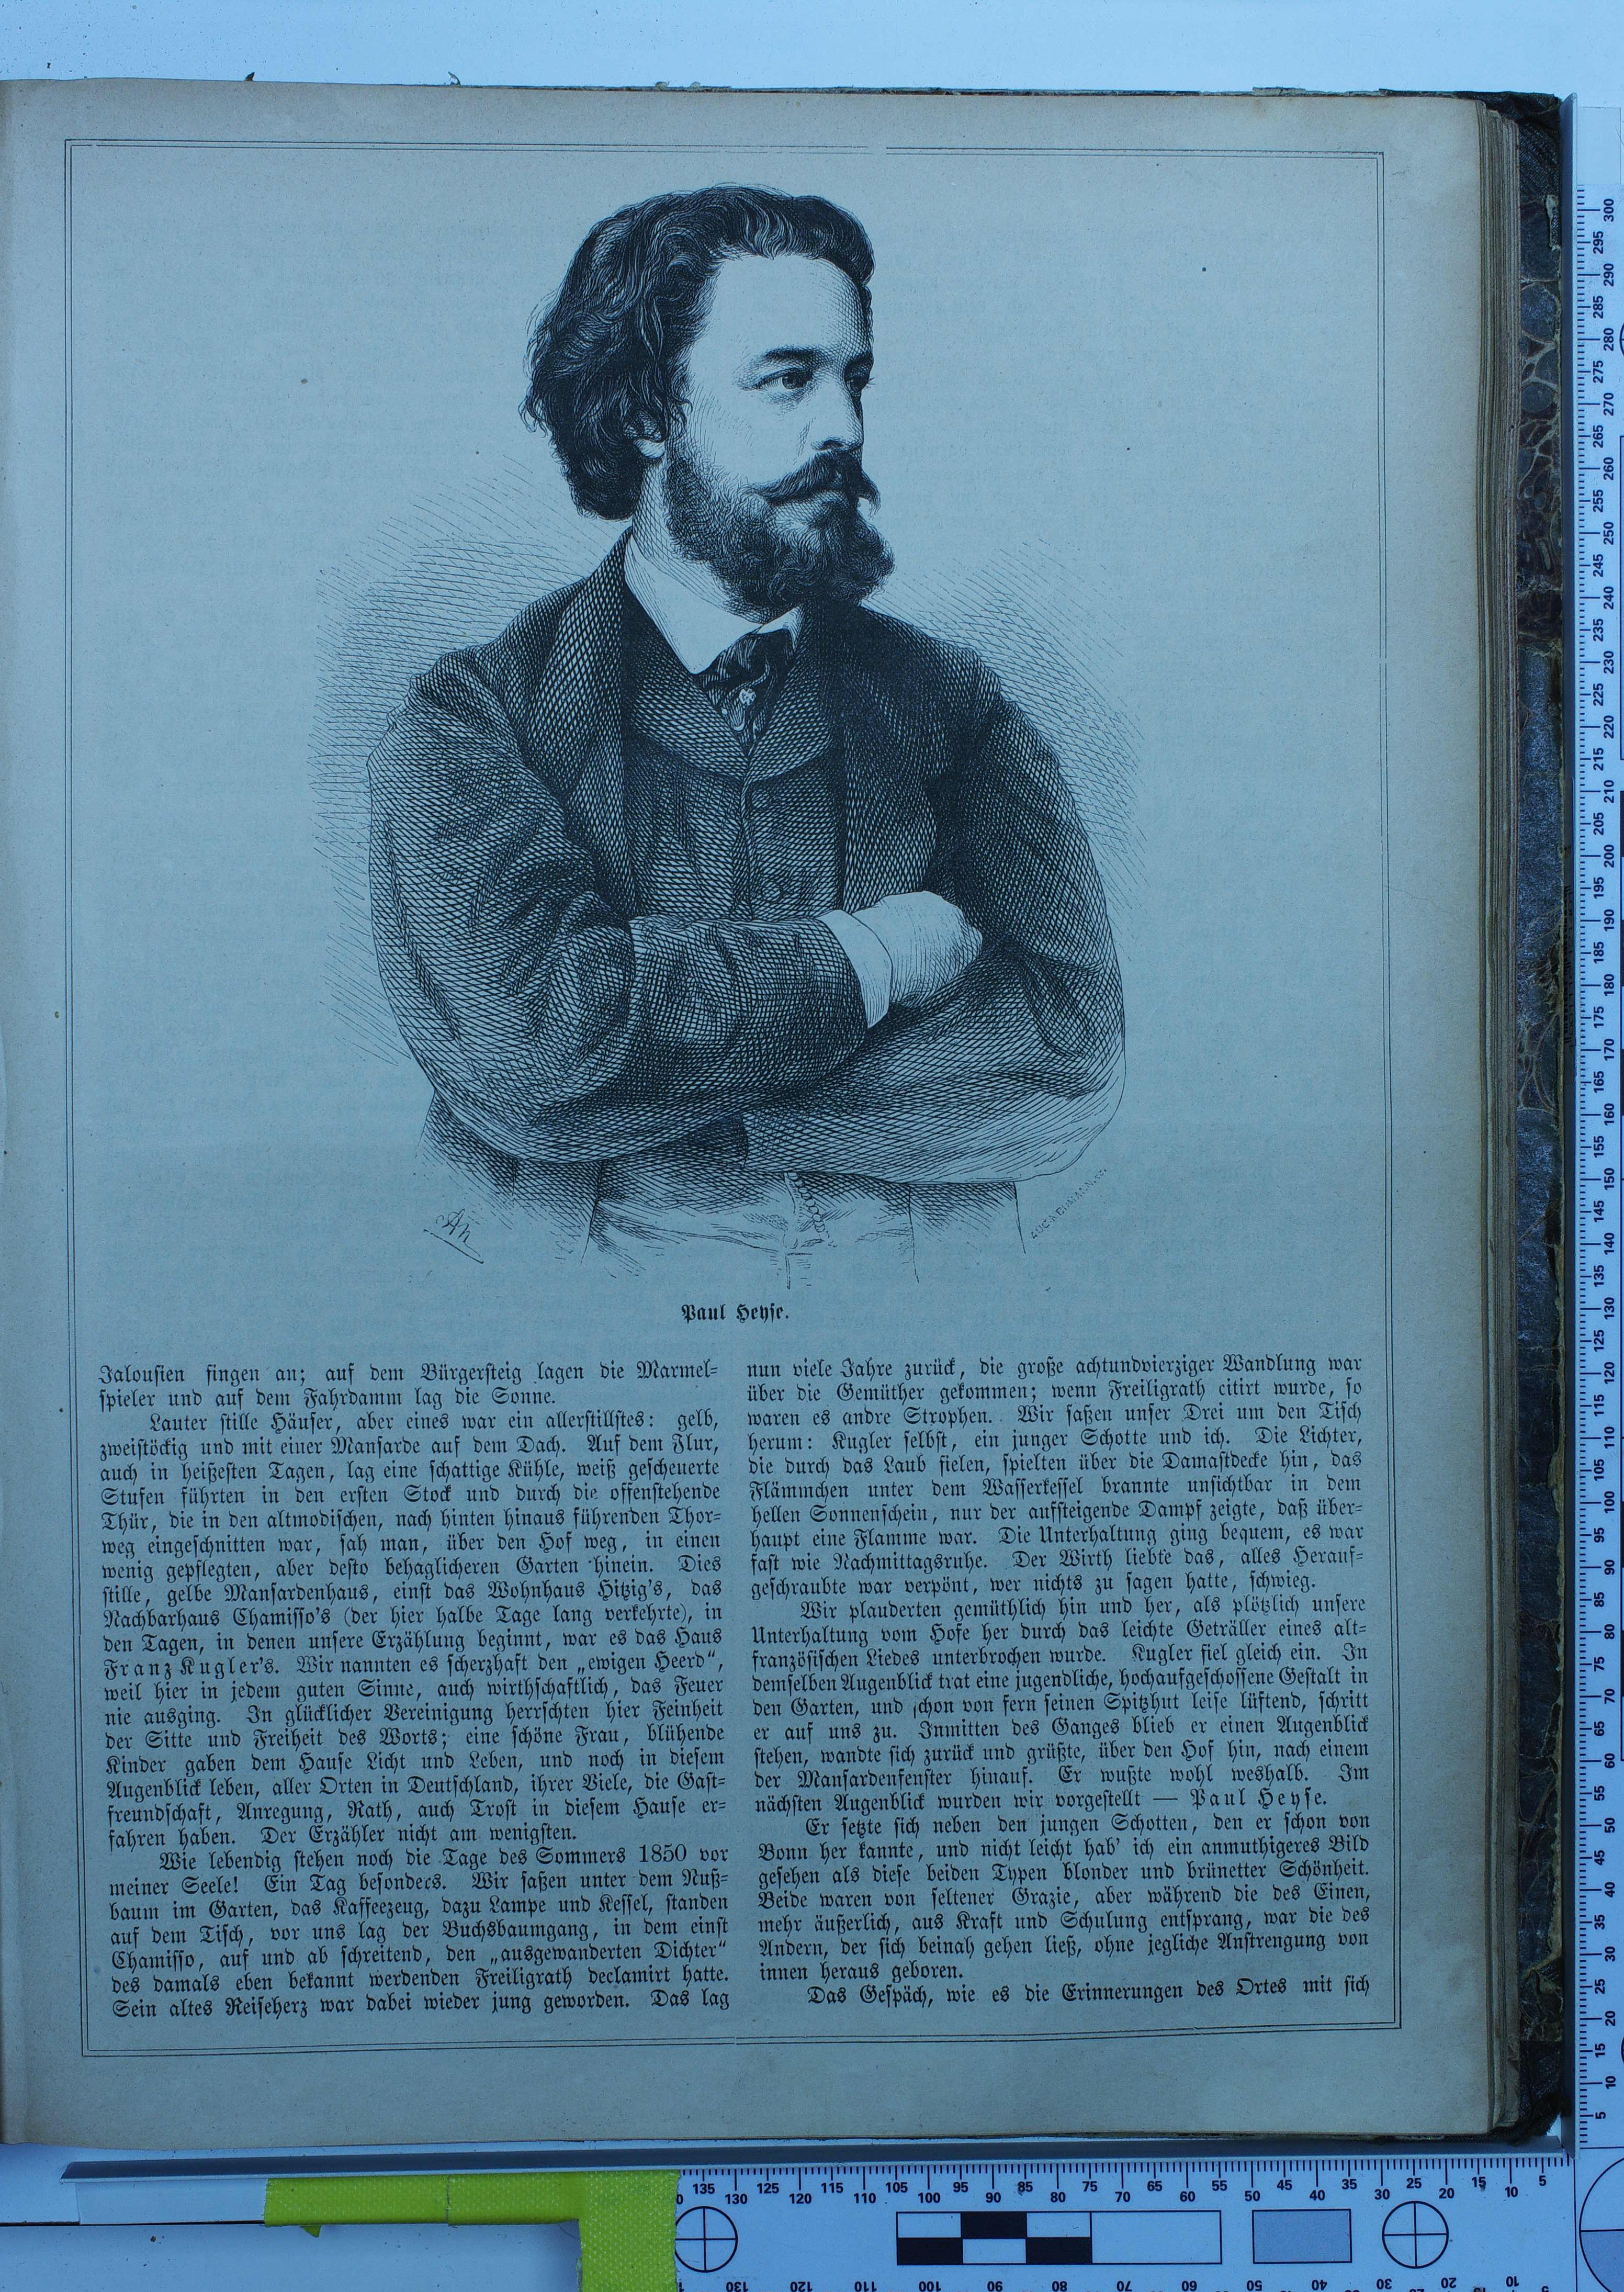Paul Heyse.

Jalousien fingen an; auf dem Bürgersteig lagen die Marmelspieler und auf dem Fahrdamm lag die Sonne.

Lauter stille Häuser, aber eines war ein allerstillstes: gelb, zweistöckig und mit einer Mansarde auf dem Dach. Auf dem Flur, auch in heißesten Tagen, lag eine schattige Kühle, weiß gescheuerte Stufen führten in den ersten Stock und durch die offenstehende Thür, die in den altmodischen, nach hinten hinaus führenden Thorweg eingeschnitten war, sah man, über den Hof weg, in einen wenig gepflegten, aber desto behaglicheren Garten hinein. Dies stille, gelbe Mansardenhaus, einst das Wohnhaus Hitzig’s, das Nachbarhaus Chamisso’s (der hier halbe Tage lang verkehrte), in den Tagen, in denen unsere Erzählung beginnt, war es das Haus Franz Kugler’s. Wir nannten es scherzhaft den „ewigen Heerd“, weil hier in jedem guten Sinne, auch wirthschaftlich, das Feuer nie ausging. In glücklicher Vereinigung herrschten hier Feinheit der Sitte und Freiheit des Worts; eine schöne Frau, blühende Kinder gaben dem Hause Licht und Leben, und noch in diesem Augenblick leben, aller Orten in Deutschland, ihrer Viele, die Gastfreundschaft, Anregung, Rath, auch Trost in diesem Hause erfahren haben. Der Erzähler nicht am wenigsten.

Wie lebendig stehen noch die Tage des Sommers 1850 vor meiner Seele! Ein Tag besonders. Wir saßen unter dem Nußbaum im Garten, das Kaffeezeug, dazu Lampe und Kessel, standen auf dem Tisch, vor uns lag der Buchsbaumgang, in dem einst Chamisso, auf und ab schreitend, den „ausgewanderten Dichter“ des damals eben bekannt werdenden Freiligrath declamirt hatte. Sein altes Reiseherz war dabei wieder jung geworden. Das lag nun viele Jahre zurück, die große achtundvierziger Wandlung war über die Gemüther gekommen; wenn Freiligrath citirt wurde, so waren es andre Strophen. Wir saßen unser Drei um den Tisch herum: Kugler selbst, ein junger Schotte und ich. Die Lichter, die durch das Laub fielen, spielten über die Damastdecke hin, das Flämmchen unter dem Wasserkessel brannte unsichtbar in dem hellen Sonnenschein, nur der aufsteigende Dampf zeigte, daß überhaupt eine Flamme war. Die Unterhaltung ging bequem, es war fast wie Nachmittagsruhe. Der Wirth liebte das, alles Heraufgeschraubte war verpönt, wer nichts zu sagen hatte, schwieg.

Wir plauderten gemüthlich hin und her, als plötzlich unsere Unterhaltung vom Hofe her durch das leichte Geträller eines altfranzösischen Liedes unterbrochen wurde. Kugler fiel gleich ein. In demselben Augenblick trat eine jugendliche, hochaufgeschossene Gestalt in den Garten, und schon von fern seinen Spitzhut leise lüftend, schritt er auf uns zu. Inmitten des Ganges blieb er einen Augenblick stehen, wandte sich zurück und grüßte, über den Hof hin, nach einem der Mansardenfenster hinauf. Er wußte wohl weshalb. Im nächsten Augenblick wurden wir vorgestellt – Paul Heyse.

Er setzte sich neben den jungen Schotten, den er schon von Bonn her kannte, und nicht leicht hab’ ich ein anmuthigeres Bild gesehen als diese beiden Typen blonder und brünetter Schönheit. Beide waren von seltener Grazie, aber während die des Einen, mehr äußerlich, aus Kraft und Schulung entsprang, war die des Andern, der sich beinah gehen ließ, ohne jegliche Anstrengung von innen heraus geboren.

Das Gespräch, wie es die Erinnerungen des Ortes mit sich
